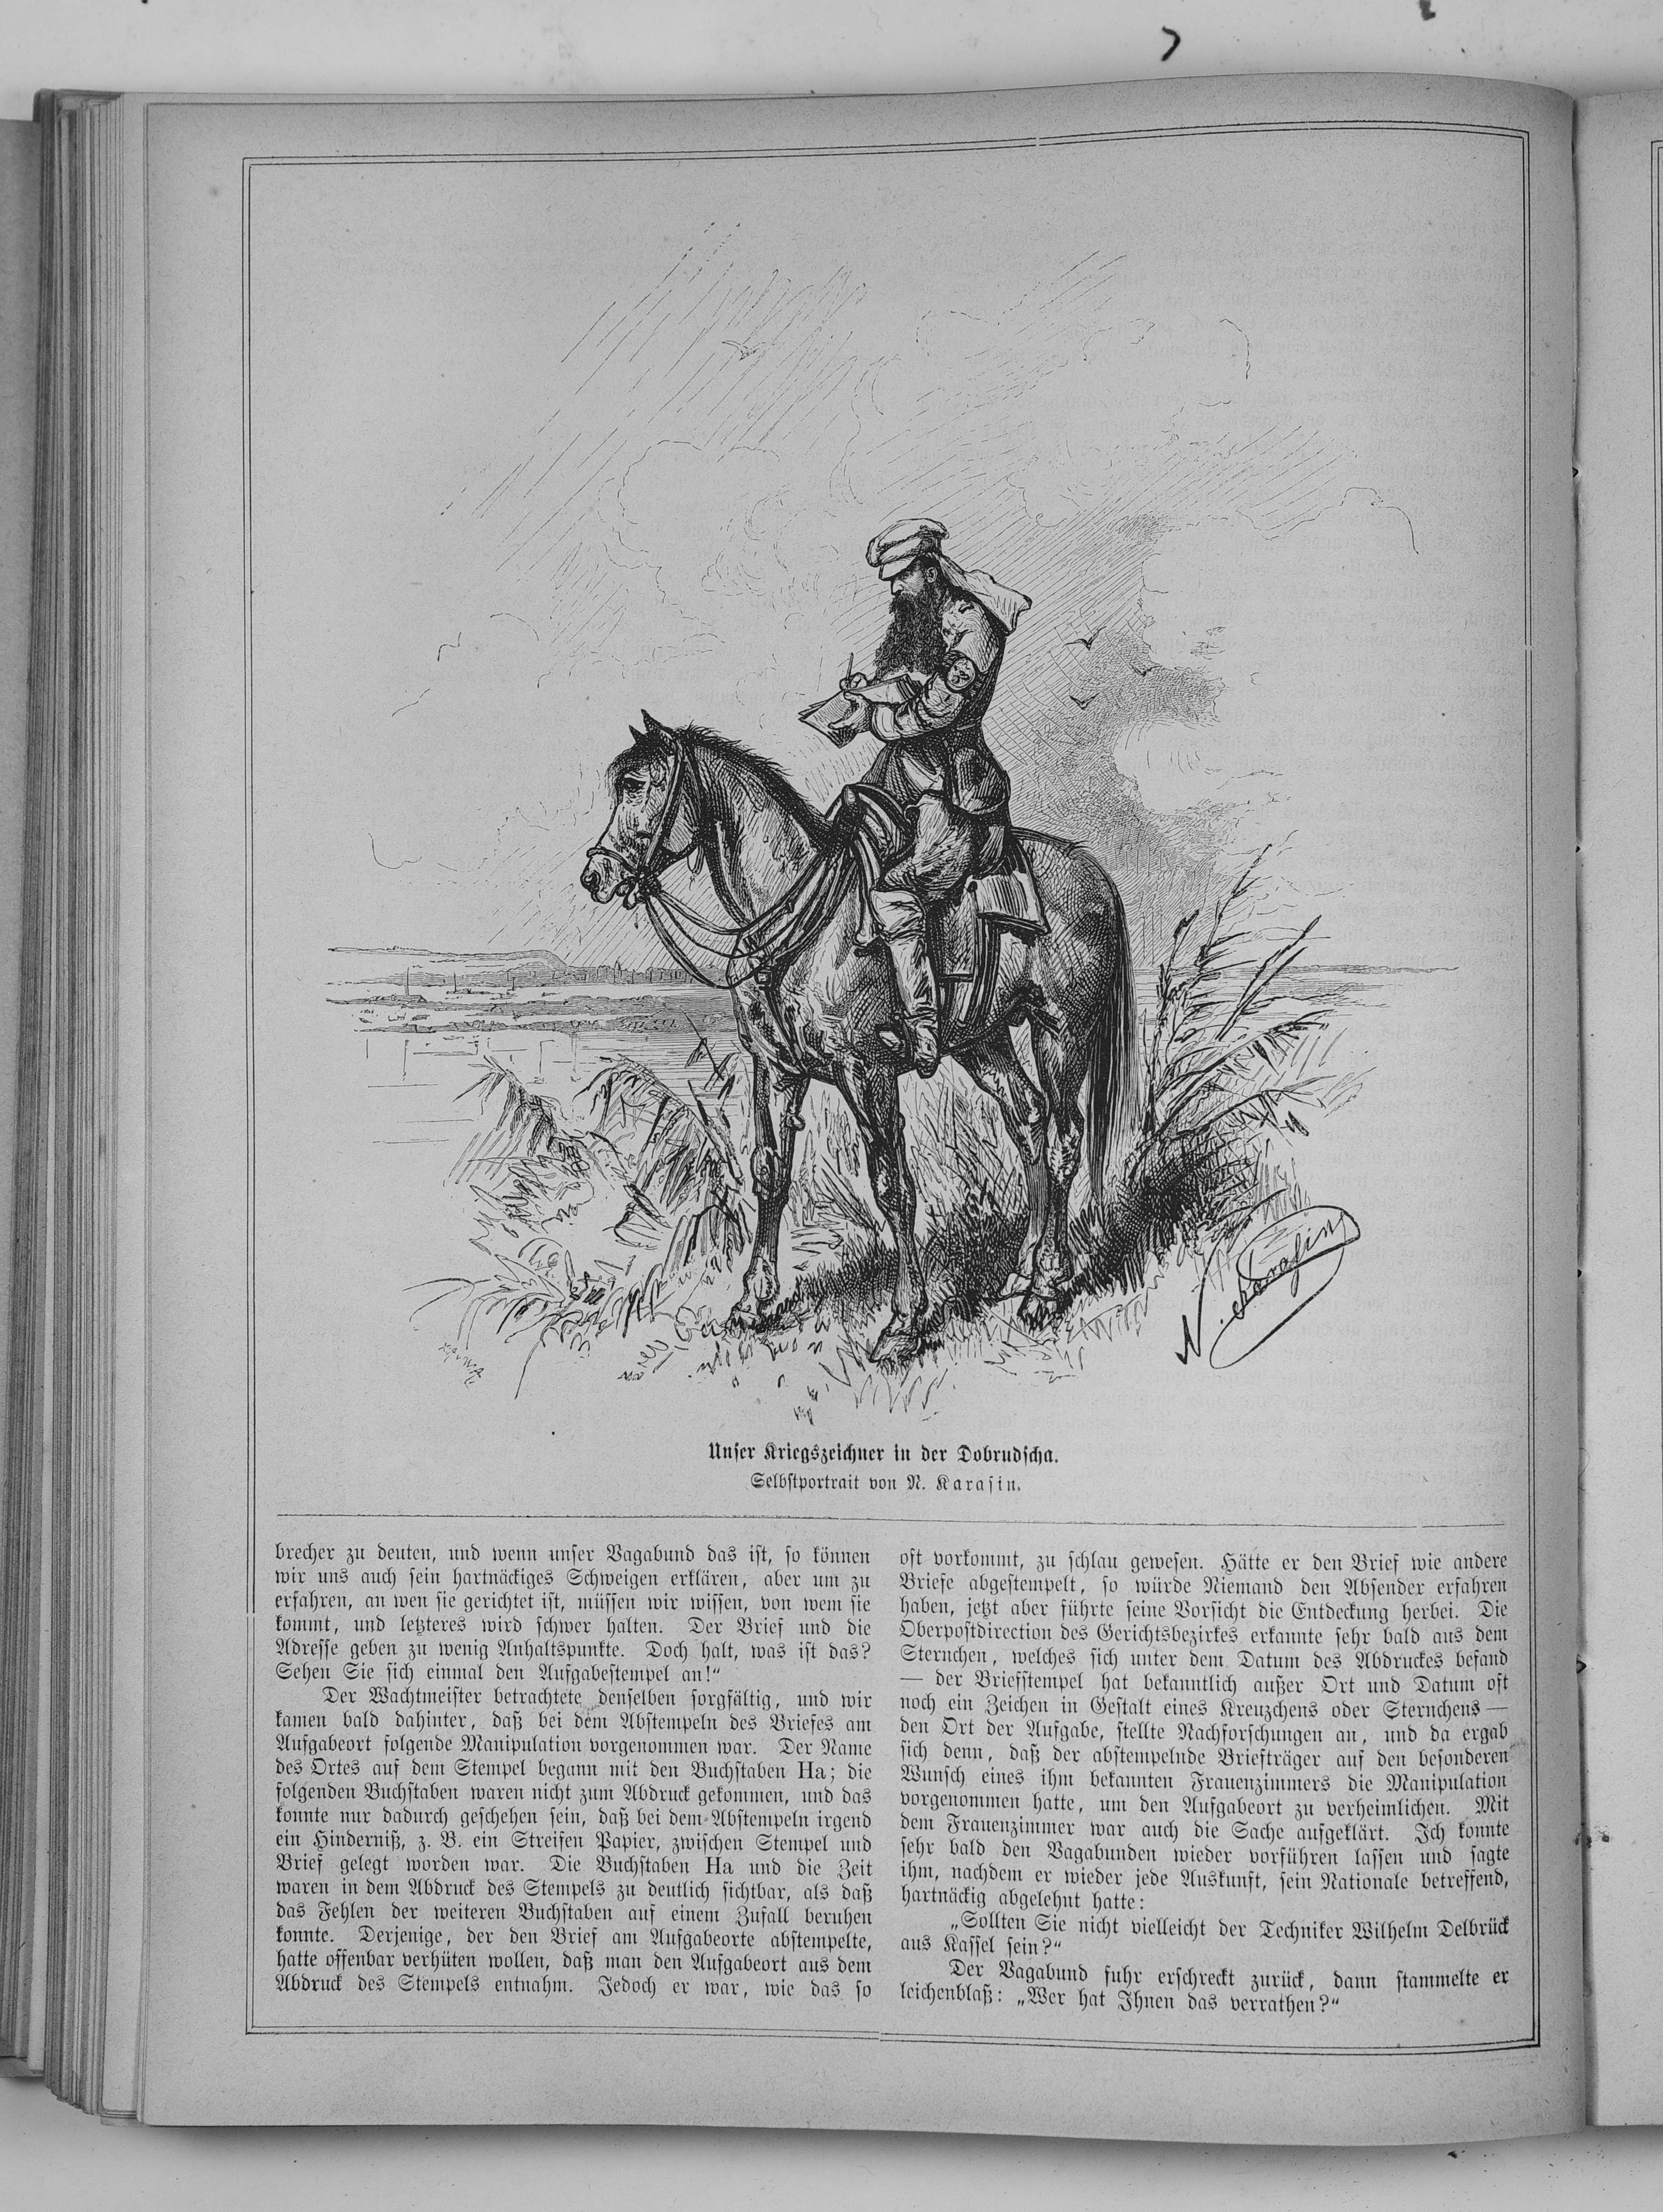Unser Kriegszeichner in der Dobrudscha.
Selbstportrait von N. Karasin.

zu deuten und wenn unser Vagabund das ist, so können wir uns auch sein hartnäckiges Schweigen erklären, aber um zu erfahren, an wen sie gerichtet ist, müssen wir wissen, von wem sie kommt, und letzteres wird schwer halten. Der Brief und die Adresse geben zu wenig Anhaltspunkte. Doch halt, was ist das? Sehen Sie sich einmal den Aufgabestempel an!“

Der Wachtmeister betrachtete denselben sorgfältig, und wir kamen bald dahinter, daß bei dem Abstempeln des Briefes am Aufgabeort folgende Manipulation vorgenommen war. Der Name des Ortes auf dem Stempel begann mit den Buchstaben Ha; die folgenden Buchstaben waren nicht zum Abdruck gekommen, und das konnte nur dadurch geschehen sein, daß bei dem Abstempeln irgend ein Hinderniß, z. B. ein Streifen Papier, zwischen Stempel und Brief gelegt worden war. Die Buchstaben Ha und die Zeit waren in dem Abdruck des Stempels zu deutlich sichtbar, als daß das Fehlen der weiteren Buchstaben auf einem Zufall beruhen konnte. Derjenige, der den Brief am Aufgabeorte abstempelte, hatte offenbar verhüten wollen, daß man den Aufgabeort aus dem Abdruck des Stempels entnahm. Jedoch er war, wie das so oft vorkommt, zu schlau gewesen. Hätte er den Brief wie andere Briefe abgestempelt, so würde Niemand den Absender erfahren haben, jetzt aber führte seine Vorsicht die Entdeckung herbei. Die Oberpostdirection des Gerichtsbezirkes erkannte sehr bald aus dem Sternchen, welches sich unter dem Datum des Abdruckes befand – der Briefstempel hat bekanntlich außer Ort und Datum oft noch ein Zeichen in Gestalt eines Kreuzchens oder Sternchens – den Ort der Aufgabe, stellte Nachforschungen an, und da ergab sich denn, daß der abstempelnde Briefträger auf den besonderen Wunsch eines ihm bekannten Frauenzimmers die Manipulation vorgenommen hatte, um den Aufgabeort zu verheimlichen. Mit dem Frauenzimmer war auch die Sache aufgeklärt. Ich konnte sehr bald den Vagabunden wieder vorführen lassen und sagte ihm, nachdem er wieder jede Auskunft, sein Nationale betreffend, hartnäckig abgelehnt hatte:

„Sollten Sie nicht vielleicht der Techniker Wilhelm Delbrück aus Kassel sein?“

Der Vagabund fuhr erschreckt zurück, dann stammelte er leichenblaß: „Wer hat Ihnen das verrathen?“
